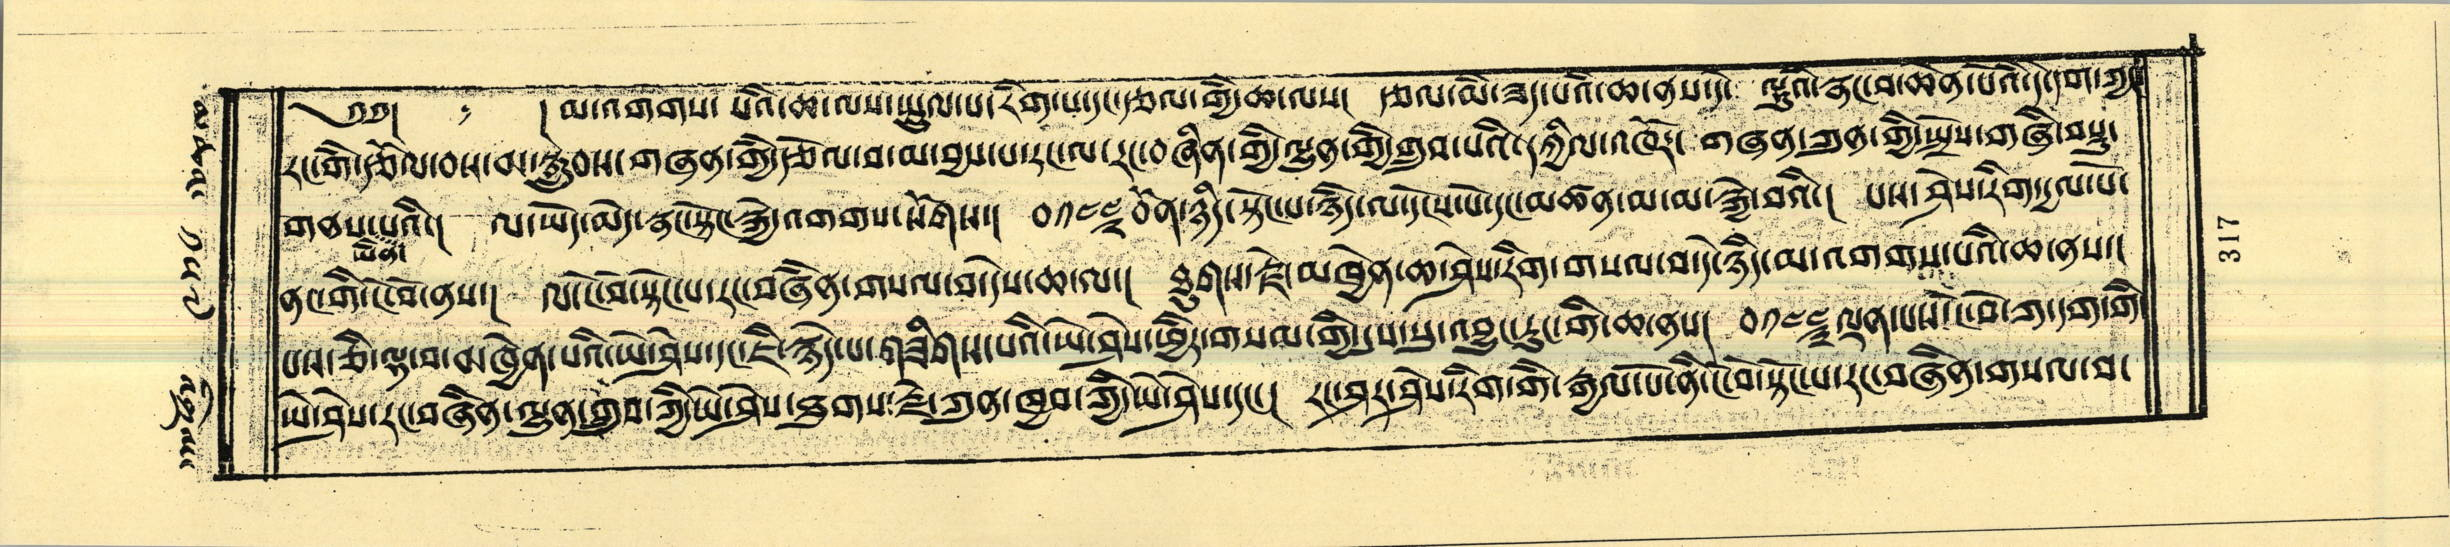མ་འགགས་པའི་ཆ་ལས་སྤྲུལ་པ་རིག་པ་དང་རྩལ་གྱི་ཆ་ལས། རྩལ་མི་ཟད་པའི་ཆ་ནས་དེ་ ལྟ་བུའི་སྣང་བ་ཆེན་པོའི་དེ་དག་ཀྱང་
རང་གི་རྩོལ་བས་མ་སྒྲུབས་གཞན་གྱི་རྩོལ་བ་མ་བྱས་པ་རང་ལ་རང་བཞིན་གྱི་ལྷུན་གྱི་གྲུབ་པའི་དཀྱིལ་འཁོར། གཞན་ཀུན་གྱི་སྤྲོས་གཞི་བསྡུ་
གནས་ཡིན་པའི། ལ་ཡོད་མེད་སྣང་སྟོང་སྐྱེ་འགགས་སོགས་ བ༡༤༤།༢ བོན་ཉིད་སྟོང་པ་ཉིད་ལ་དངོས་པོ་དང་མཚན་མ་མ་སྐྱེ་བའི། པས་ཤེས་རིག་རྒྱལ་པོ་
ནང་གི་ངོ་བོ་ནས། ལ་ངོ་བོ་སྟོང་པ་རང་བཞིན་གསལ་བ་དེས་ཆ་ལ། ཐུགས་རྗེ་མཁྱེན་ཆ་ཤེས་རིག་གསལ་བ་དེ་ཉིད་མ་འགགས་པའི་ཆ་ནས་
པས་ཅི་ལྟ་བ་མཁྱེན་པའི་ཡེ་ཤེས་དང་ཇི་སྙེད་པ་གཟིགས་པའི་ཡེ་ཤེས་ཕྱིར་གསལ་གྱི་དུས་སུ་འབྱུང་རུང་གི་ཆ་ནས། བ༡༤༤།༣ ལྡན་པས་ངོ་བོ་ཀ་དག་གི་
ཡེ་ཤེས་རང་བཞིན་ལྷུན་གྲུབ་ཀྱི་ཡེ་ཤིས་ཐུགས་རྗེ་ཀུན་ཁྱབ་ཀྱི་ཡེ་ཤེས་དང། རང་ཤར་ཤེས་རིག་གི་རྒྱལ་པོ་ནི་ངོ་བོ་སྟོང་པ་རང་བཞིན་གསལ་བ་